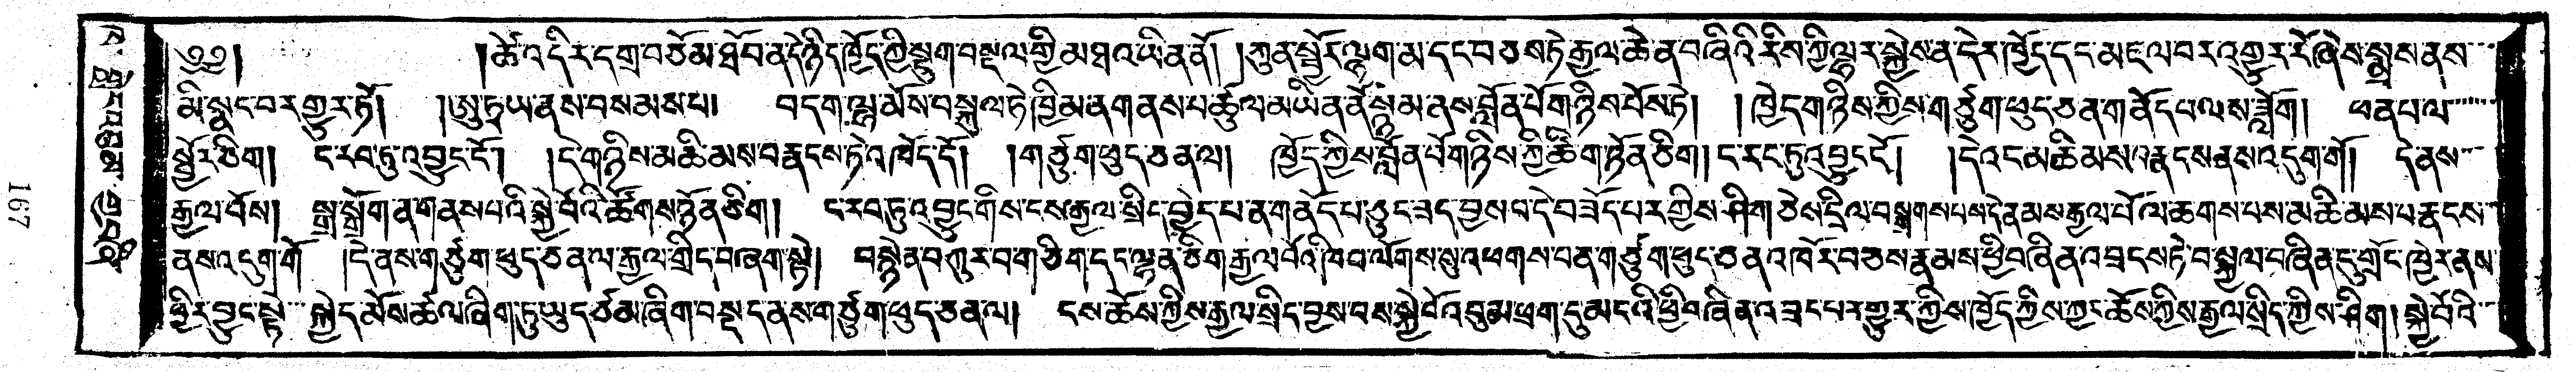༄༅། །ཚེ་འདིར་དགྲ་བཅོམ་ཐོབ་ན་དེ་ཉིད་ཁྱོད་ཀྱི་སྡུག་བསྔལ་གྱི་མཐའ་ཡིན་ནོ། །ཀུན་སྦྱོར་ལྷག་མ་དང་བཅས་ཏེ་རྒྱལ་ཆེན་བཞིའི་རིས་ཀྱི་ལྷར་སྐྱེས་ན་དེར་ཁྱོད་དང་མཇལ་བར་འགྱུར་རོ་ཞེས་སྨྲས་ནས་
མི་སྣང་བར་གྱུར་ཏོ། །ཨུ་ཏྲ་ཡ་ནས་བསམས་པ། བདག་ལྷ་མོས་བསྐུལ་ཏེ་ཁྱིམ་ན་གནས་པ་ཚུལ་མ་ཡིན་ནོ་སྙམ་ནས་བློན་པོ་གཉིས་པོས་ཏེ། །ཁྱེད་གཉིས་ཀྱིས་གཙུག་ཕུང་ཅན་གནོད་པ་ལས་ཟློག། ཕན་པ་ལ་
སྦྱོར་ཅིག། ང་རབ་ཏུ་འབྱུང་ངོ། །དེ་གཉིས་མཆི་མས་བརྣངས་ཏེ་འཁོད་དོ། །གཙུག་ཕུད་ཅན་ལ། ཁྱོད་ཀྱིས་བློན་པོ་གཉིས་ཀྱི་ཚིག་ཉོན་ཅིག། ང་རང་ཏུ་འབྱུང་ངོ། །དེའང་མཆིམས་འྲྣངས་ནས་འདུག་གོ། དེ་ནས་
རྒྱལ་བོས། སྒྲ་སྒྲོག་ན་གནས་པའི་སྐྱེ་བོའི་ཚོགས་ཉོན་ཅིག། ང་རབ་ཏུ་འབྱུང་གིས་ངས་རྒྱལ་སྲིད་བྱེད་པ་ན་གནོད་པ་ཅུང་ཟད་བྱས་པ་དེ་བཟོད་པར་གྱིས་ཤིག་ཅེས་དྲིལ་བསྒྲགས་པས་དེ་ནམས་རྒྱལ་པོ་ལ་ཆགས་པས་མཆི་མས་པ་རྣངས་
ནས་འདུག་གོ །དེ་ནས་གཙུག་ཕུད་ཅན་ལ་རྒྱལ་གྲིད་བཞག་སྟེ། བསྙེན་བཀུར་བ་གཅིག་དང་ལྷན་ཅིག་རྒྱལ་པོའི་ཁབ་ལོགས་སུ་འཕགས་པ་ན་གཙུག་ཕུད་ཅན་འཁོར་བཅས་རྣམས་ཕྱི་བཞིན་འབྲངས་ཏེ་བ་སྐྱལ་བཞིན་དུ་གྲོང་ཁྱེར་ནས་
ཕྱིར་བྱུང་སྟེ་སྐྱེད་མོས་ཚལ་ཞིག་ཏུ་ཡུད་ཙམ་ཞིག་བསྡད་ནས་གཙུག་ཕུད་ཅན་ལ། ངས་ཆོས་ཀྱིས་རྒྱལ་སྲིད་བྱས་པས་སྐྱེ་བོ་འབུམ་ཕྲག་དུ་མངའི་ཕྱི་བཞིན་བཟང་པར་གྱུར་ཀྱིས་ཁྱོད་ཀྱིས་ཀྱང་ཆོས་ཀྱིས་རྒྱལ་སྲིད་ཀྱིས་ཤིག། སྐྱེ་བོའི་